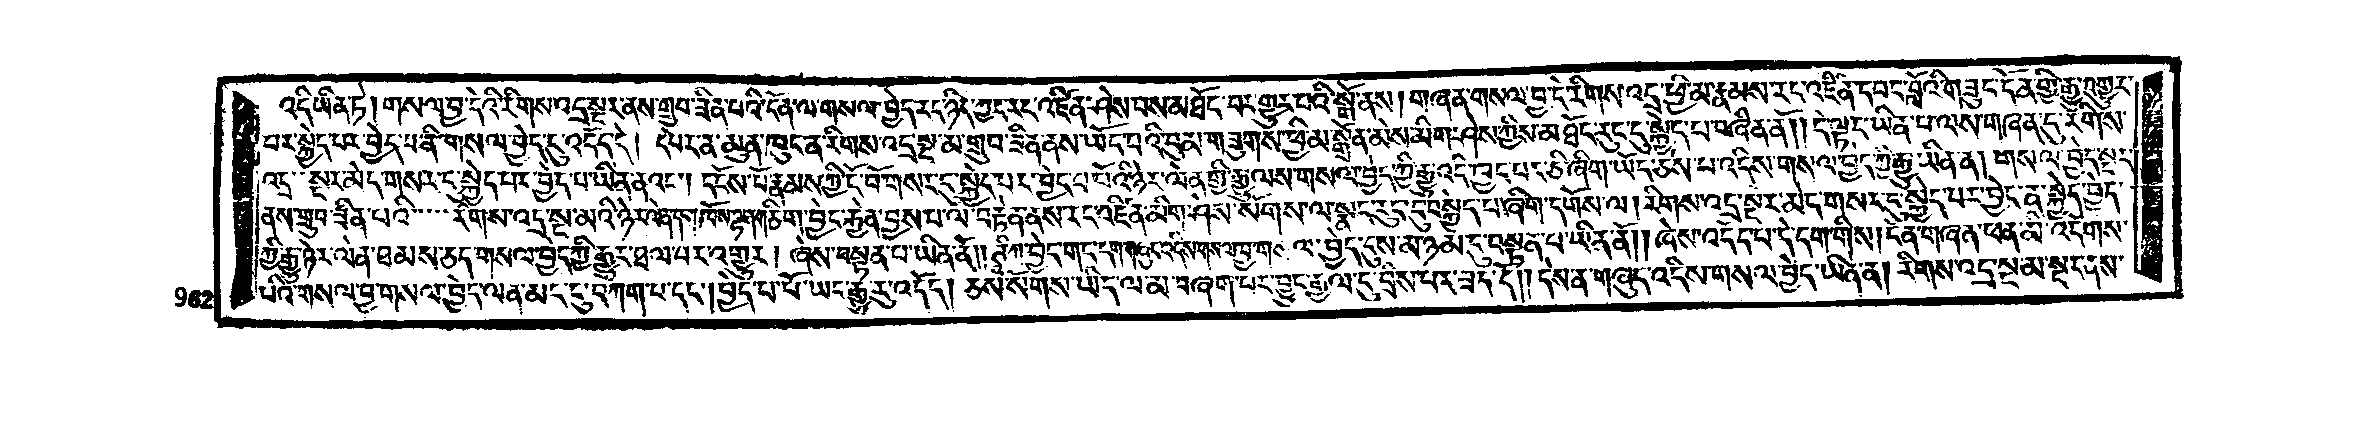འདི་ཡིན་ཏེ། གསལ་བྱ་དེའི་རིགས་འདྲ་སྔར་ནས་གྲུབ་ཟིན་པའི་དོན་ལ་གསལ་བྱེད་རང་ཉིད་ཀྱང་རང་འཛིན་ཤེས་བས་མཐོང་བར་གྱུར་པའི་སྒོ་ནས། གཞན་གསལ་བྱ་དེ་རིགས་འདྲ་ཕྱི་མ་རྣམས་རང་འཛིན་དབང་བློའི་གཟུང་དོན་གྱི་རྒྱུ་འགྱུར་
པར་སྐྱེད་པར་བྱེད་པ་ནི་གསལ་བྱེད་དུ་འདོད་དེ། དཔེར་ན་མུན་ཁུང་ན་རིགས་འདྲ་སྔ་མ་གྲུབ་ཟིན་ནས་ཡོད་པའི་བུམ་གཟུགས་ཕྱི་མ་སྒྲོན་མེས་མིག་ཤེས་ཀྱིས་མཐོང་རུང་དུ་སྐྱེད་པ་བཞིན་ནོ། །དེ་ལྟར་ཡིན་པ་ལས་གཞན་དུ་རིགས་
འདྲ་སྔར་མེད་གསར་དུ་སྐྱེད་པར་བྱེད་པ་ཡིན་ནའང་། དངོས་པོ་རྣམས་ཀྱི་ངོ་བོ་གསར་དུ་སྐྱེད་པར་བྱེད་པ་པོའི་ཉེར་ལེན་གྱི་རྒྱུ་ལས་གསལ་བྱེད་ཀྱི་རྒྱུ་འདི་ཁྱད་པར་ཅི་ཞིག་ཡོད་ཅེས་པ་འདིས་གསལ་བྱེད་ཀྱི་རྒྱུ་ཡིན་ན། གསལ་བྱེད་སྔར་
ནས་གྲུབ་ཟིན་པའི་རིགས་འདྲ་སྔ་མའི་ཉེར་ལེན་དང་ཁོས་ལྷན་ཅིག་བྱེད་རྐྱེན་བྱས་པ་ལ་བརྟེན་ནས་རང་འཛིན་མིག་ཤེས་སོགས་ལ་སྣང་རུང་དུ་བསྐྱེད་པ་ཞིག་དགོས་ལ། རིགས་འདྲ་སྔར་མེད་གསར་དུ་སྐྱེད་པར་བྱེད་ན་སྐྱེད་བྱེད་
ཀྱི་རྒྱུ་ཉེར་ལེན་ཐམས་ཅད་གསླ་བྱེད་ཀྱི་རྒྱུར་ཐལ་བར་འགྱུར། ཞེས་བསྟན་པ་ཡིན་ནོ། །ཊཱིཀ་བྱེད་གང་དག་གཞུང་འདིས་གསལ་བྱ་གསལ་བྱེད་དུས་མཉམ་དུ་བསྟན་པ་ཡིན་ནོ། །ཞེས་འདོད་པ་དེ་དག་གིས། དོན་གཞན་ཕན་མི་འདོགས་
པའི་གསལ་བྱ་གསལ་བྱེད་ལན་མང་དུ་བཀག་པ་དང་། བྱེད་པ་པོ་ཡང་རྒྱུ་རུ་འདོད། ཅེས་སོགས་ཡིད་ལ་མ་བཞག་པར་བྱུང་རྒྱལ་དུ་བྲིས་པར་ཟད་དོ། །དེས་ན་གཞུང་འདིས་གསལ་བྱེད་ཡིན་ན། རིགས་འདྲ་སྔ་མ་སྔར་ནས་